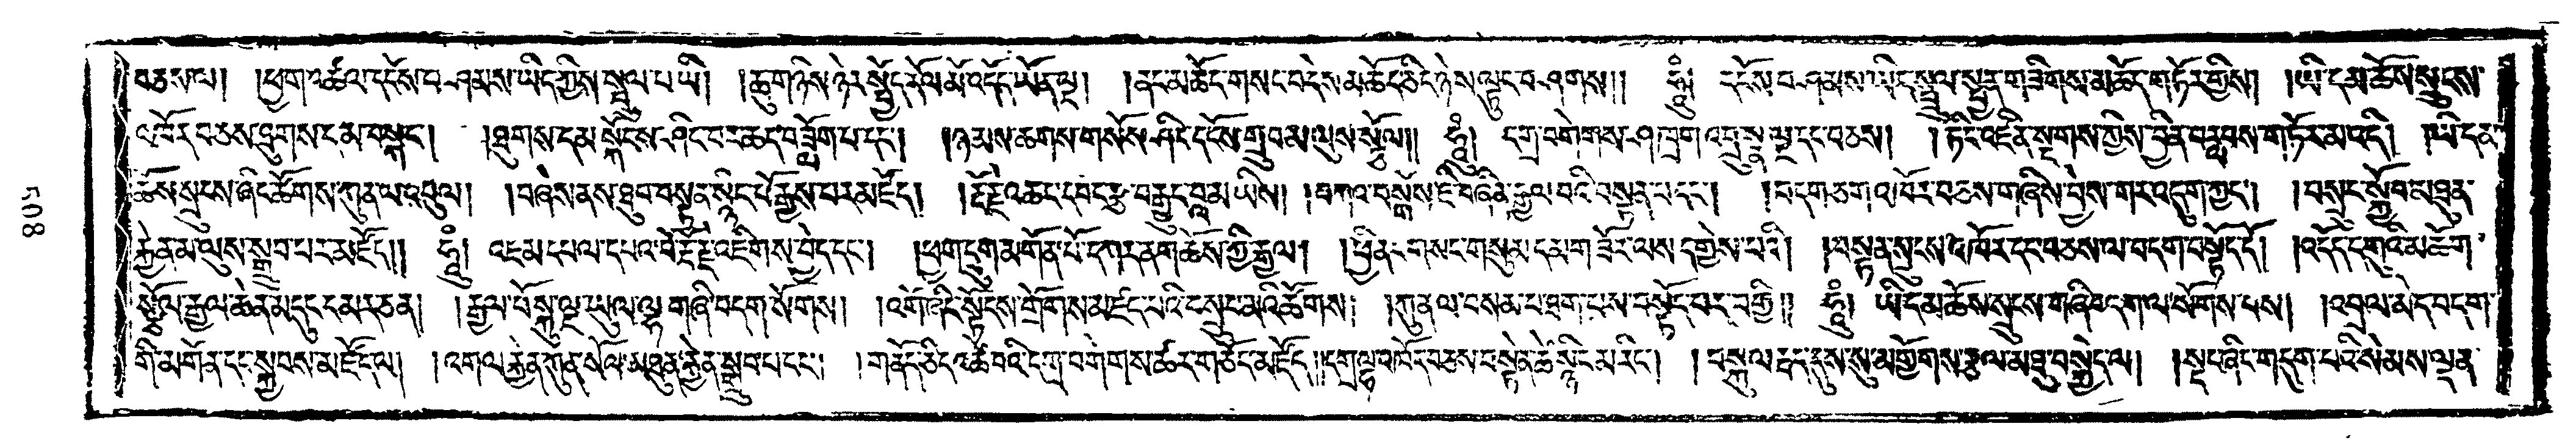བཅས་ལ། །ཕྱག་འཚལ་དངོས་བཤམས་ཡིད་ཀྱིས་སྤྲུལ་པ་ཡི། །ཆུ་གཉིས་ཉེར་སྤྱོད་རོལ་མོ་འདོད་ཡོན་ལྔ། །ནང་མཆོད་གསང་བདེས་མཆོད་ཅིང་ཉེས་ལྟུང་བཤགས། ཧཱུཾ། དངོས་བཤམས་ཡིད་སྤྲུལ་སྤྱན་གཟིགས་མཆོད་གཏོར་གྱིས། །ཡིད་དམ་ཆོས་སྲུངས་
འཁོར་བཅས་ཐུགས་དམ་བསྐང་། །ཐུགས་དམ་སྐོངས་ཤིང་བར་ཆད་བཟློག་པ་དང་། །ཉམས་ཆགས་གསོས་ཤིང་དངོས་གྲུབ་མ་ལུས་སྩོལ། །ཧཱུཾ། དགྲ་བགེགས་ཤ་ཁྲག་འབྲུ་སྣ་ལྔ་དང་བཅས། །ཏིང་འཛིན་སྔགས་ཀྱིས་བྱིན་བརླབས་གཏོར་མ་འདི། །ཡི་དམ་
ཆོས་སྲུངས་ཞིང་ཚོགས་ཀུན་ལ་འབུལ། །བཞེས་ནས་ཐུབ་བསྟན་སྙིང་པོ་རྒྱས་པར་མཛོད། །རྡོ་རྗེ་འཆང་དབང་རྩ་བརྒྱུད་བླ་མ་ཡིས། །བཀའ་བསྒོས་ཇི་བཞིན་རྒྱལ་བའི་བསྟན་པ་དང་། །བདག་ཅག་འཁོར་བཅས་གཞིས་བྱེས་གར་འདུག་ཀྱང་། །བསྲུང་སྐྱོབ་མཐུན་
རྐྱེན་མ་ལུས་སྒྲུབ་པར་མཛོད། །ཧཱུཾ། འཇམ་དཔལ་དཔའ་བོ་རྡོ་རྗེ་འཇིགས་བྱེད་དང་། །ཕྱག་དྲུག་མགོན་པོ་དཀར་ནག་ཆོས་ཀྱི་རྒྱལ། །ཕྱི་ནང་གསང་གསུམ་དམག་ཟོར་ལས་དགྱེས་པའི། །བསྟན་སྲུངས་འཁོར་དང་བཅས་ལ་བདག་བསྟོད་དོ། །འདོད་དགུའི་མཆོག་
སྩོལ་རྒྱལ་ཆེན་མདུང་དམར་ཅན། །རྒྱལ་པོ་སྐུ་ལྔ་ཡུལ་ལྷ་གཞི་བདག་སོགས། །འགོ་ཞིང་སྟོངས་གྲོགས་མཛད་པའི་བསྲུང་མའི་ཚོགས། །ཀུན་ལ་བསམ་པ་ཐག་པས་བསྟོད་པར་བགྱི། །ཧཱུཾ། ཡི་དམ་ཆོས་སྲུངས་གཞི་བདག་ལ་སོགས་པས། །འབྲལ་མེད་བདག་
གི་མགོན་དང་སྐྱབས་མཛོད་ལ། །འགལ་རྐྱེན་ཀུན་སོལ་མཐུན་རྐྱེན་སྒྲུབ་པ་དང་། །གནོད་ཅིང་འཚེ་བའི་དགྲ་བགེགས་ཚར་གཅོད་མཛོད། །དགྲ་ལྷ་འཁོར་བཅས་བསྟེན་ཚེ་སྙིང་མ་རིང་། །བསྐུལ་རྦད་དུས་སུ་མགྱོགས་རྩལ་མཐུ་བསྐྱེད་ལ། །སྡང་ཞིང་གདུག་པའི་སེམས་ལྡན་